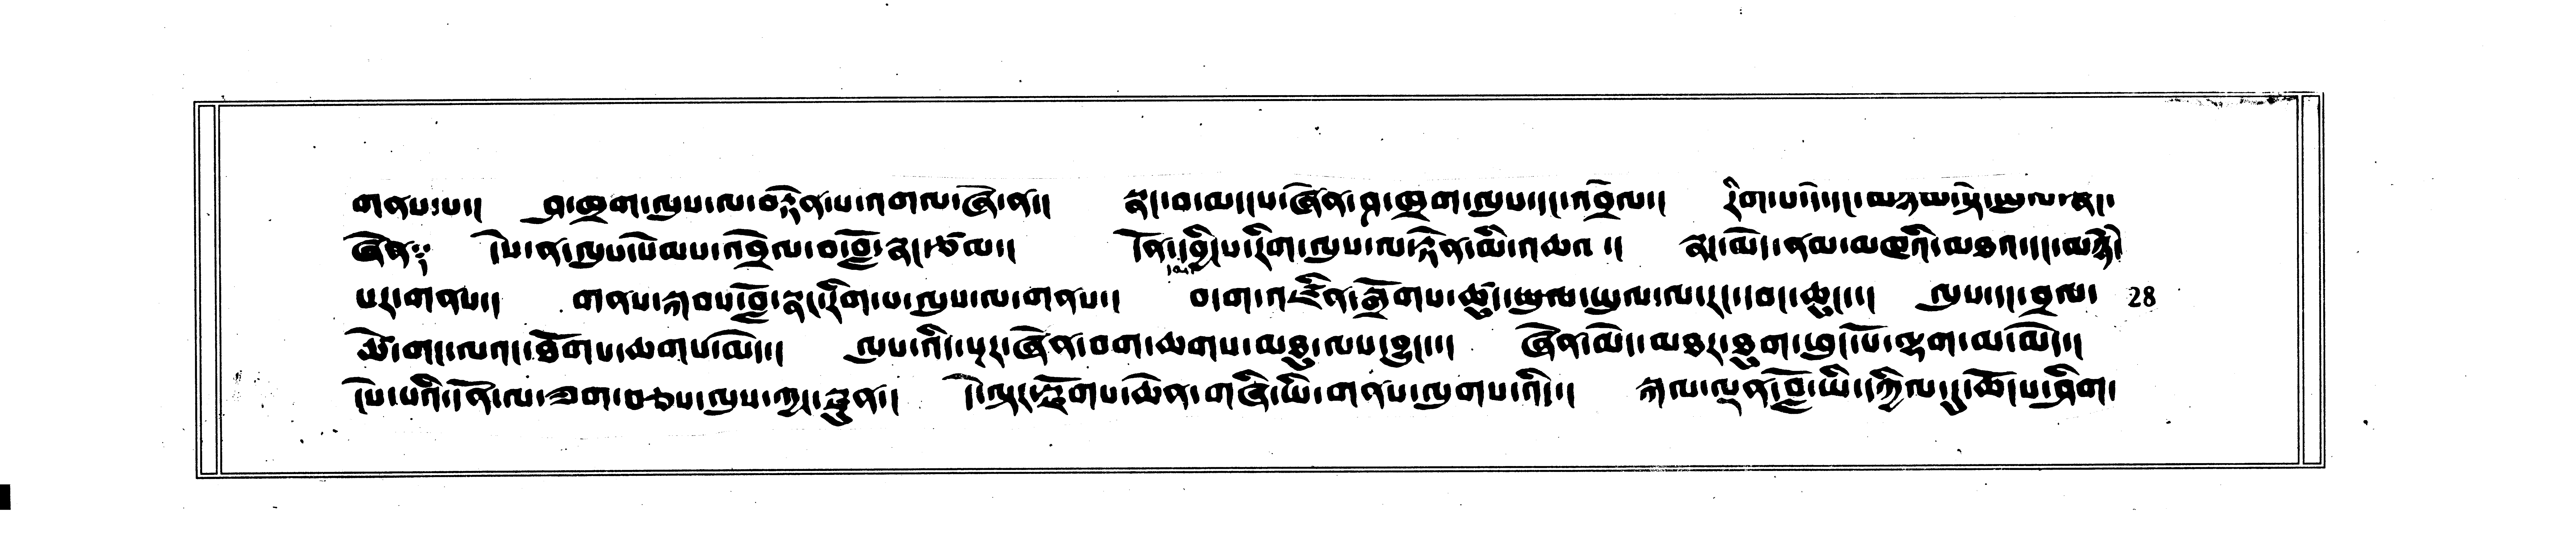གནས་པ། །ཤ་ཁྲག་ལུས་ལ་བརྟེན་པ་འགལ་ཞེ་ན། །སྣང་བ་མདངས་ཞེན་ཤ་ཁྲག་ལུས་དང་འབྲེལ། །རིག་པ་དེ་དང་མཉམ་སྟེ་ཡུལ་སྣང་
ཞེན། །དེས་ན་ལུས་སེམས་འབྲེལ་བ་བློ་སྣང་ཙམ། །དོན་དམ་དབྱིངས་རིག་ལུས་ལ་རྟེན་ནི་འཆའ། །སྣང་མེད་ནམ་མཁའི་མཐའ་དང་མཉམ་
པར་གནས། །གནས་སྐབས་བློ་སྣང་རིག་པ་ལུས་ལ་གནས། །བདག་འཛིན་སྒྲོག་ཚུད་ཡུལ་ལ་རང་དབང་ཆུང་། །ལུས་དང་བྲལ་
ཚེ་གང་ལའང་ཐོགས་ཆགས་མེད། །ལུས་འདི་སྔར་ཞེན་བག་ཆགས་མཐུ་ལས་བྱུང་། །ཞེན་མེད་མཐར་ཐུག་ཕུང་པོ་ལྷག་མ་མེད། །
ངེས་པའི་དོན་ལ་ཟག་བཅས་ལུས་ཀྱང་རྫུན། །དེ་ལྟར་རྫོགས་ཆེན་གཞི་ཡི་གནས་ལུགས་འདི། །སྐལ་ལྡན་བློ་ཡི་དཀྱིལ་དུ་ཆོངས་ཤིག་